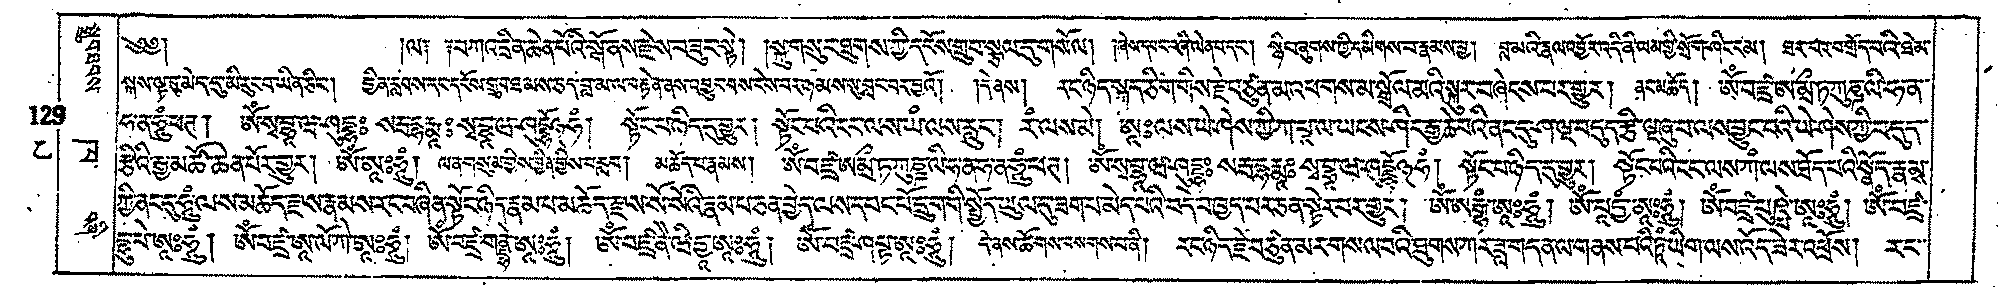༄༅། །ལ༑ ༑བཀའ་དྲིན་ཆེན་པོའི་སྒོ་ནས་རྗེས་བཟུང་སྟེ། །སྐུ་གསུང་ཐུགས་ཀྱི་དངོས་གྲུབ་སྩལ་དུ་གསོལ། །ཞེས་དབང་བཞི་ལེན་པ་དང་། སྙིང་ཞུགས་ཀྱི་དམིགས་པ་རྣམས་བྱ། བླ་མའི་རྣལ་འབྱོར་འདི་ནི་ལམ་གྱི་སྲོག་ཤིང་ངམ། ཐར་པར་བགྲོད་པའི་ཐེམ་
སྐས་ལྟ་བུ་མེད་དུ་མི་རུང་བ་ཡིན་ཅིང་། བྱིན་རླབས་དང་དངོས་གྲུབ་ཐམས་ཅད་བླ་མ་ལ་བརྟེན་ནས་འབྱུང་བས་ངེས་པར་ཉམས་སུ་བླང་བར་བྱའོ། །དེ་ནས། རང་ཉིད་སྐད་ཅིག་གིས་རྗེ་བཙུན་མ་འཕགས་མ་སྒྲོལ་མའི་སྐུར་བཞེངས་པར་གྱུར། ནང་མཆོད།  ཨོཾ་བཛྲ་ཨ་མྲྀ་ཏ་ཀུཎྜ་ལི་ཧ་ན་་་
ཧ་ན་ཧཱུཾ་ཕཊ། ཨོཾ་སྭ་བྷཱ་ཝ་ཤུདྡྷཿ སརྦ་དྷ་རྨཱཿ སྭ་བྷཱ་ཝ་ཤུདྡྷོཉཧཾ། སྟོང་པ་ཉིད་དུ་གྱུར། སྟོང་པའི་ངང་ལས་ཡཾ་ལས་རླུང་། རཾ་ལས་མེ། ཨཱཿལས་ཡེ་ཤེས་ཀྱི་ཀ་པཱ་ལ་ཡངས་ཤིང་རྒྱ་ཆེ་བའི་ནང་དུ་ཤ་ལྔ་བདུད་རྩི་ལྔ་ཞུ་བ་ལས་བྱུང་བའི་ཡེ་ཤེས་ཀྱི་བདུད་་་
རྩིའི་རྒྱ་མཚོ་ཆེན་པོར་གྱུར། ཨོཾ་ཨཱཿཧཱུཾ། ལན་གསུམ་གྱིས་བྱིན་གྱིས་བརླབ། མཆོད་པ་རྣམས།  ཨོཾ་བཛྲ་ཨམྲྀ་ཏ་ཀུཎྜ་ལི་ཧ་ན་ཧ་ན་ཧཱུཾ་ཕཊ། ཨོཾ་སྭ་བྷཱ་ཝ་ཤུདྡྷཿ སརྦ་དྷརྨཱཿ སྭ་བྷཱ་ཝ་ཤུདྡྷོ་ཉཧཾ། སྟོང་པ་ཉིད་དུ་གྱུར། སྟོང་པའི་ངང་ལས་ཀཾ་ལས་ཐོད་པའི་སྣོད་རྣམས་
ཀྱི་ནང་དུ་ཧཱུཾ་ལས་མཆོད་རྫས་རྣམས་རང་བཞིན་སྟོང་ཉིད་རྣམ་པ་མཆོད་རྫས་སོ་སོའི་རྣམ་པ་ཅན་བྱེད་ལས་དབང་པོ་དྲུག་གི་སྤྱོད་ཡུལ་དུ་ཟག་པ་མེད་པའི་བདེ་བ་ཁྱད་པར་ཅན་སྟེར་བར་གྱུར། ཨོཾ་ཨརྒྷཾ་ཨཱཿཧཱུཾ། ཨོཾ་པཱདྱཾ་ཨཱཿཧཱུཾ། ཨོཾ་བརྫྲ་པུཥྤེ་ཨཱཿཧཱུ། ཨོཾ་ཨོཾ་བརྫ་
དྷུ་པེ་ཨཱཿཧཱུཾ། ཨོཾ་བཛྲ་ཨཱ་ལོ་ཀེ་ཨཱཿཧཱུཾ། ཨོཾ་བཛྲ་གནྡྷེ་ཨཱཿཧཱུཾ། ཨོཾ་བཛྲ་ནཻ་ཝིདྱཱ་ཨཱཿཧཱུཾ། ཨོཾ་བཛྲ་ཤཔྟ་ཨཱཿཧཱུཾ། དེ་ནས་ཚོགས་བསགས་པ་ནི།  རང་ཉིད་རྗེ་བཙུན་མར་གསལ་བའི་ཐུགས་ཀར་ཟླ་གདན་ལ་གནས་པའི་ཏཱཾ་ཡིག་ལས་འོད་ཟེར་འཕྲོས། རང་་་